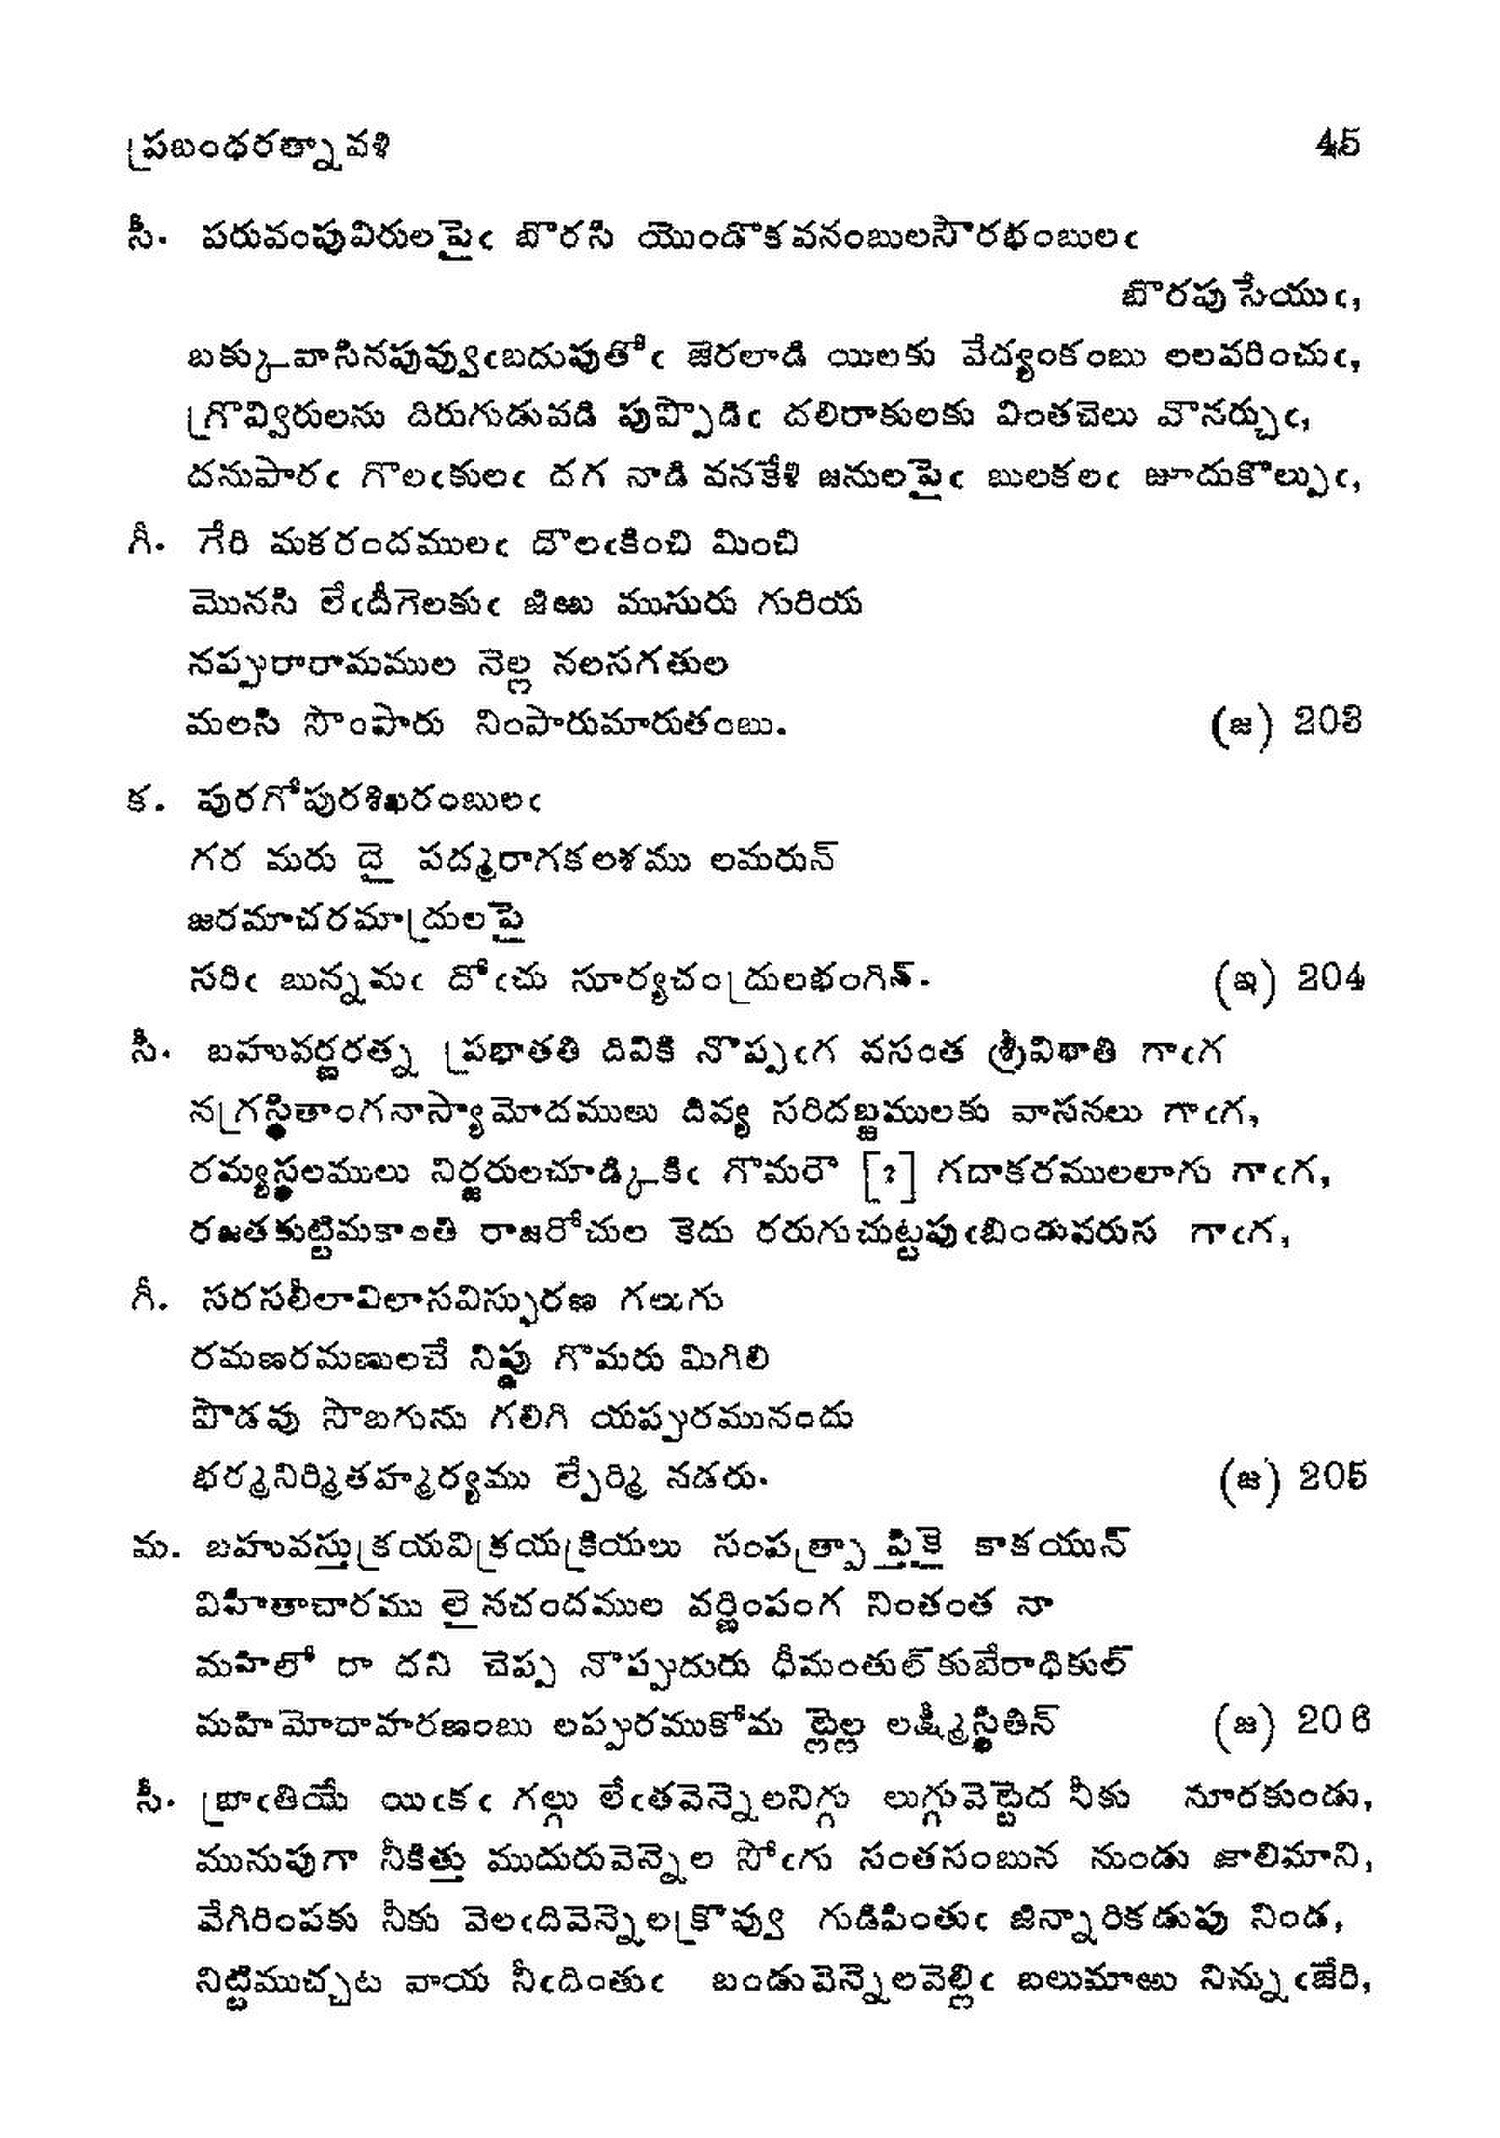సీ. పరువంపువిరులపైఁ బొరసి యొండొకవనంబుల సౌరభంబులఁ బొరపుసేయుఁ,
బక్కువాసినపువ్వుఁ బదువుతోఁ జెరలాడి యిలకు వేద్యంకంబు లలవరించుఁ,
గ్రొవ్విరులను దిరుగుడువడి పుప్పొడి దలిరాకులకు వింత చెలువొనర్చుఁ,
దనుపారఁ గొలఁకులఁ దగ నాడి వనకేళి జనులపైఁ బులకలఁ జాదుకొల్పుఁ,
గీ. గేరి మకరందములఁ దొలఁకించి మించి
మొనసి లేఁదీఁగెలకుఁ జిఱు ముసురు గురియ
నప్పురారామముల నెల్ల నలసగతుల
మలసి సొంపారు నింపారుమారుతంబు. (జ) 203

క. పురగోపురశిఖరంబులఁ
గర మరుదై పద్మరాగకలశము లమరున్
జరమాచరమాద్రులపై
సరిఁ బున్నమఁ దోఁచు సూర్యచంద్రులభంగిన్. (ఇ) 204

సీ. బహువర్ణరత్నప్రభాతతి దివికి నొప్పఁగ వసంతశ్రీవిభాతి గాఁగ,
నగ్రస్థితాంగనాస్యామోదములు దివ్యసరిదబ్జములకు వాసనలు గాఁగ,
రమ్యస్థలములు నిర్జరుల చూడ్కికిఁ గొమరౌ[?]గదాకరములలాగు గాఁగ,
రజతకుట్టిమకాంతి రాజరోచుల కెదు రరుగు చుట్టపుఁబిండువరుస గాఁగ,
తే. సరసలీలావిలాసవిస్ఫురణ గలుగు
రమణరమణులచే నిప్డు గొమరు మిగిలి
పొడవు సొబగును గలిగి యప్పురమునందు
భర్మనిర్మితహర్మ్యముల్ పేర్మి నడరు. (జ) 205

మ. బహువస్తుక్రయవిక్రయక్రియలు సంపత్ప్రాప్తికై కాకయు
న్విహితాచారములైన చందముల వర్ణింపంగ నింతంత నా
మహిలో రాదని చెప్ప నొప్పుదురు ధీమంతుల్ కుబేరాధికుల్
మహిమోదాహరణంబు లప్పురము కోమట్లెల్ల లక్ష్మీస్థితిన్. (జ) 206

సీ. బ్రాఁతియే యిఁకఁగల్గు లేఁతవెన్నెల నిగ్గు లుగ్గువెట్టెద నీకు నూరకుండు
మునుపుగా నీకిత్తు ముదురువెన్నెలసోఁగు సంతసంబున నుండు జాలిమాని,
వేగిరింపకు నీకు వెలఁదివెన్నెలక్రొవ్వు గుడిపింతుఁ జిన్నారికడుపు నిండ,
నిట్టి ముచ్చట వాయ నీఁదింతుఁ బండువెన్నెలవెల్లిఁ బలుమాఱు నిన్నుఁ జేరి,